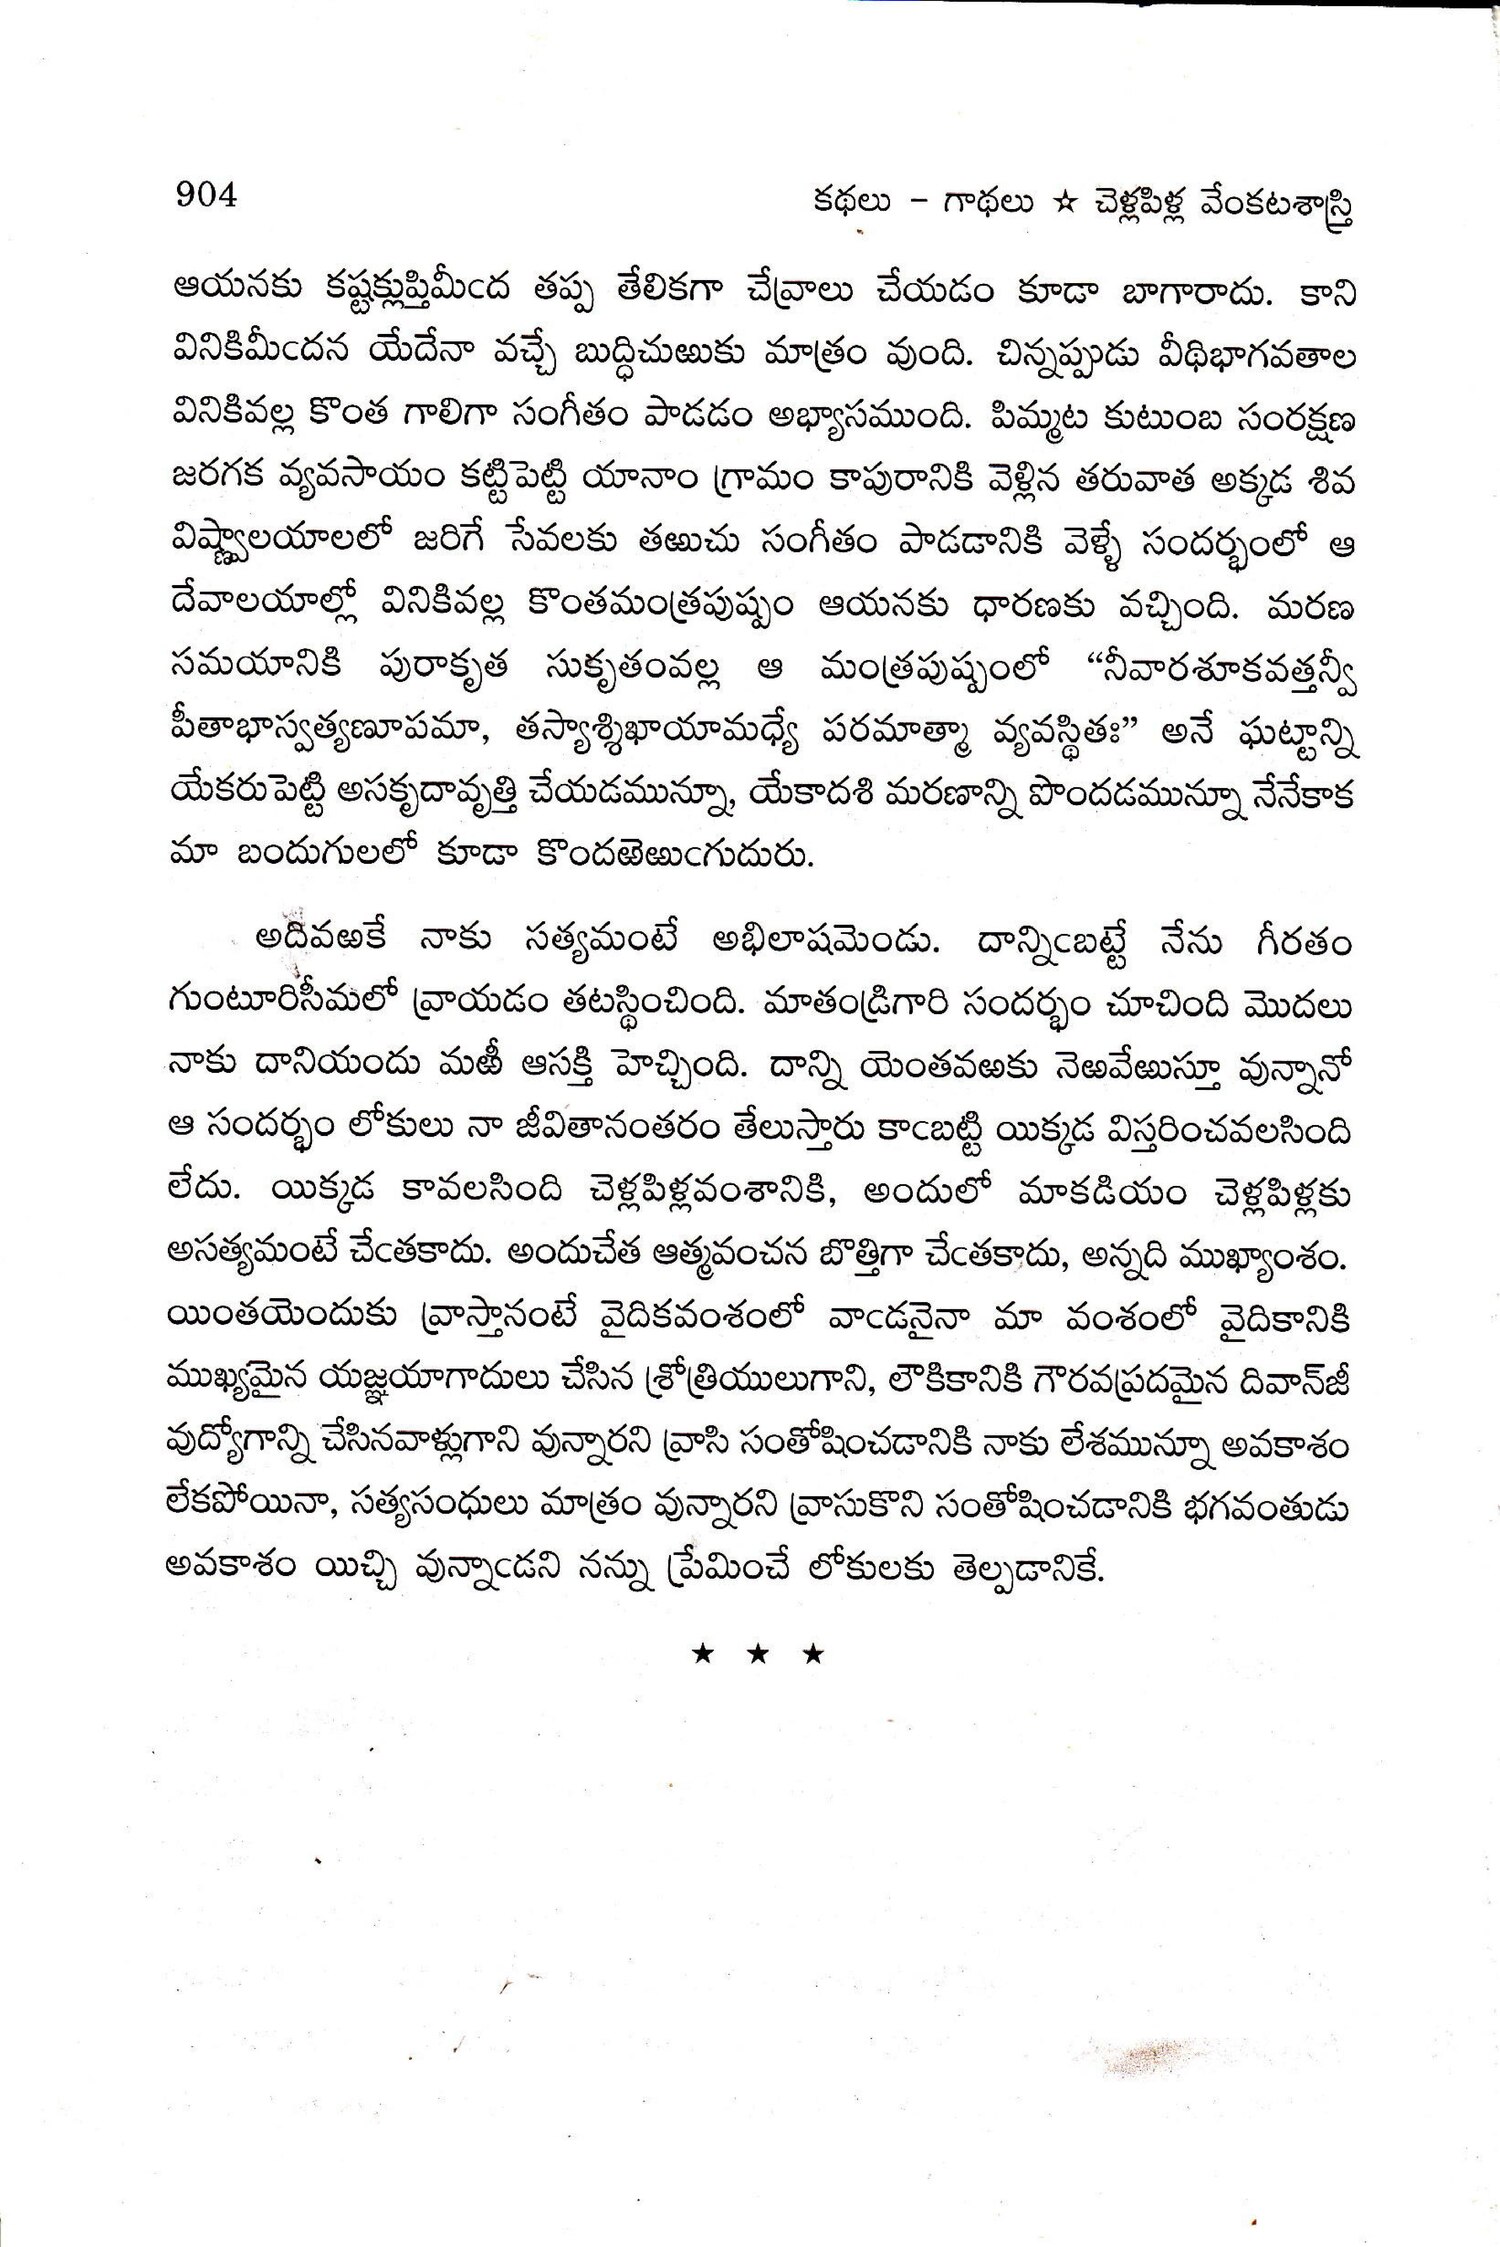ఆయనకు కష్టక్లుప్తిమీఁద తప్ప తేలికగా చేవ్రాలు చేయడం కూడా బాగారాదు. కాని వినికిమీఁదన యేదేనా వచ్చే బుద్ధిచుఱుకు మాత్రం వుంది. చిన్నప్పుడు వీథిభాగవతాల వినికివల్ల కొంత గాలిగా సంగీతం పాడడం అభ్యాసముంది. పిమ్మట కుటుంబ సంరక్షణ జరగక వ్యవసాయం కట్టిపెట్టి యానాం గ్రామం కాపురానికి వెళ్లిన తరువాత అక్కడ శివ విష్ణ్వాలయాలలో జరిగే సేవలకు తఱుచు సంగీతం పాడడానికి వెళ్ళే సందర్భంలో ఆ దేవాలయాల్లో వినికివల్ల కొంతమంత్రపుష్పం ఆయనకు ధారణకు వచ్చింది. మరణ సమయానికి పురాకృత సుకృతంవల్ల ఆ మంత్రపుష్పంలో “నీవారశూకవత్తన్వీ పీతాభాస్వత్యణూపమా, తస్యాశ్శిఖాయామధ్యే పరమాత్మా వ్యవస్థితః" అనే ఘట్టాన్ని యేకరుపెట్టి అసకృదావృత్తి చేయడమున్నూ, యేకాదశి మరణాన్ని పొందడమున్నూ నేనేకాక మా బందుగులలో కూడా కొందటెఱుఁగుదురు.

అదివఱకే నాకు సత్యమంటే అభిలాషమెండు. దాన్నిఁబట్టే నేను గీరతం గుంటూరిసీమలో వ్రాయడం తటస్థించింది. మాతండ్రిగారి సందర్భం చూచింది మొదలు నాకు దానియందు మఱీ ఆసక్తి హెచ్చింది. దాన్ని యెంతవఱకు నెఱవేఱుస్తూ వున్నానో ఆ సందర్భం లోకులు నా జీవితానంతరం తేలుస్తారు కాఁబట్టి యిక్కడ విస్తరించవలసింది లేదు. యిక్కడ కావలసింది చెళ్లపిళ్లవంశానికి, అందులో మాకడియం చెళ్లపిళ్లకు అసత్యమంటే చేఁతకాదు. అందుచేత ఆత్మవంచన బొత్తిగా చేఁతకాదు, అన్నది ముఖ్యాంశం. యింతయెందుకు వ్రాస్తానంటే వైదికవంశంలో వాఁడనైనా మా వంశంలో వైదికానికి ముఖ్యమైన యజ్ఞయాగాదులు చేసిన శ్రోత్రియులుగాని, లౌకికానికి గౌరవప్రదమైన దివాన్‌జీ వుద్యోగాన్ని చేసినవాళ్లుగాని వున్నారని వ్రాసి సంతోషించడానికి నాకు లేశమున్నూ అవకాశం లేకపోయినా, సత్యసంధులు మాత్రం వున్నారని వ్రాసుకొని సంతోషించడానికి భగవంతుడు అవకాశం యిచ్చి వున్నాఁడని నన్ను ప్రేమించే లోకులకు తెల్పడానికే.